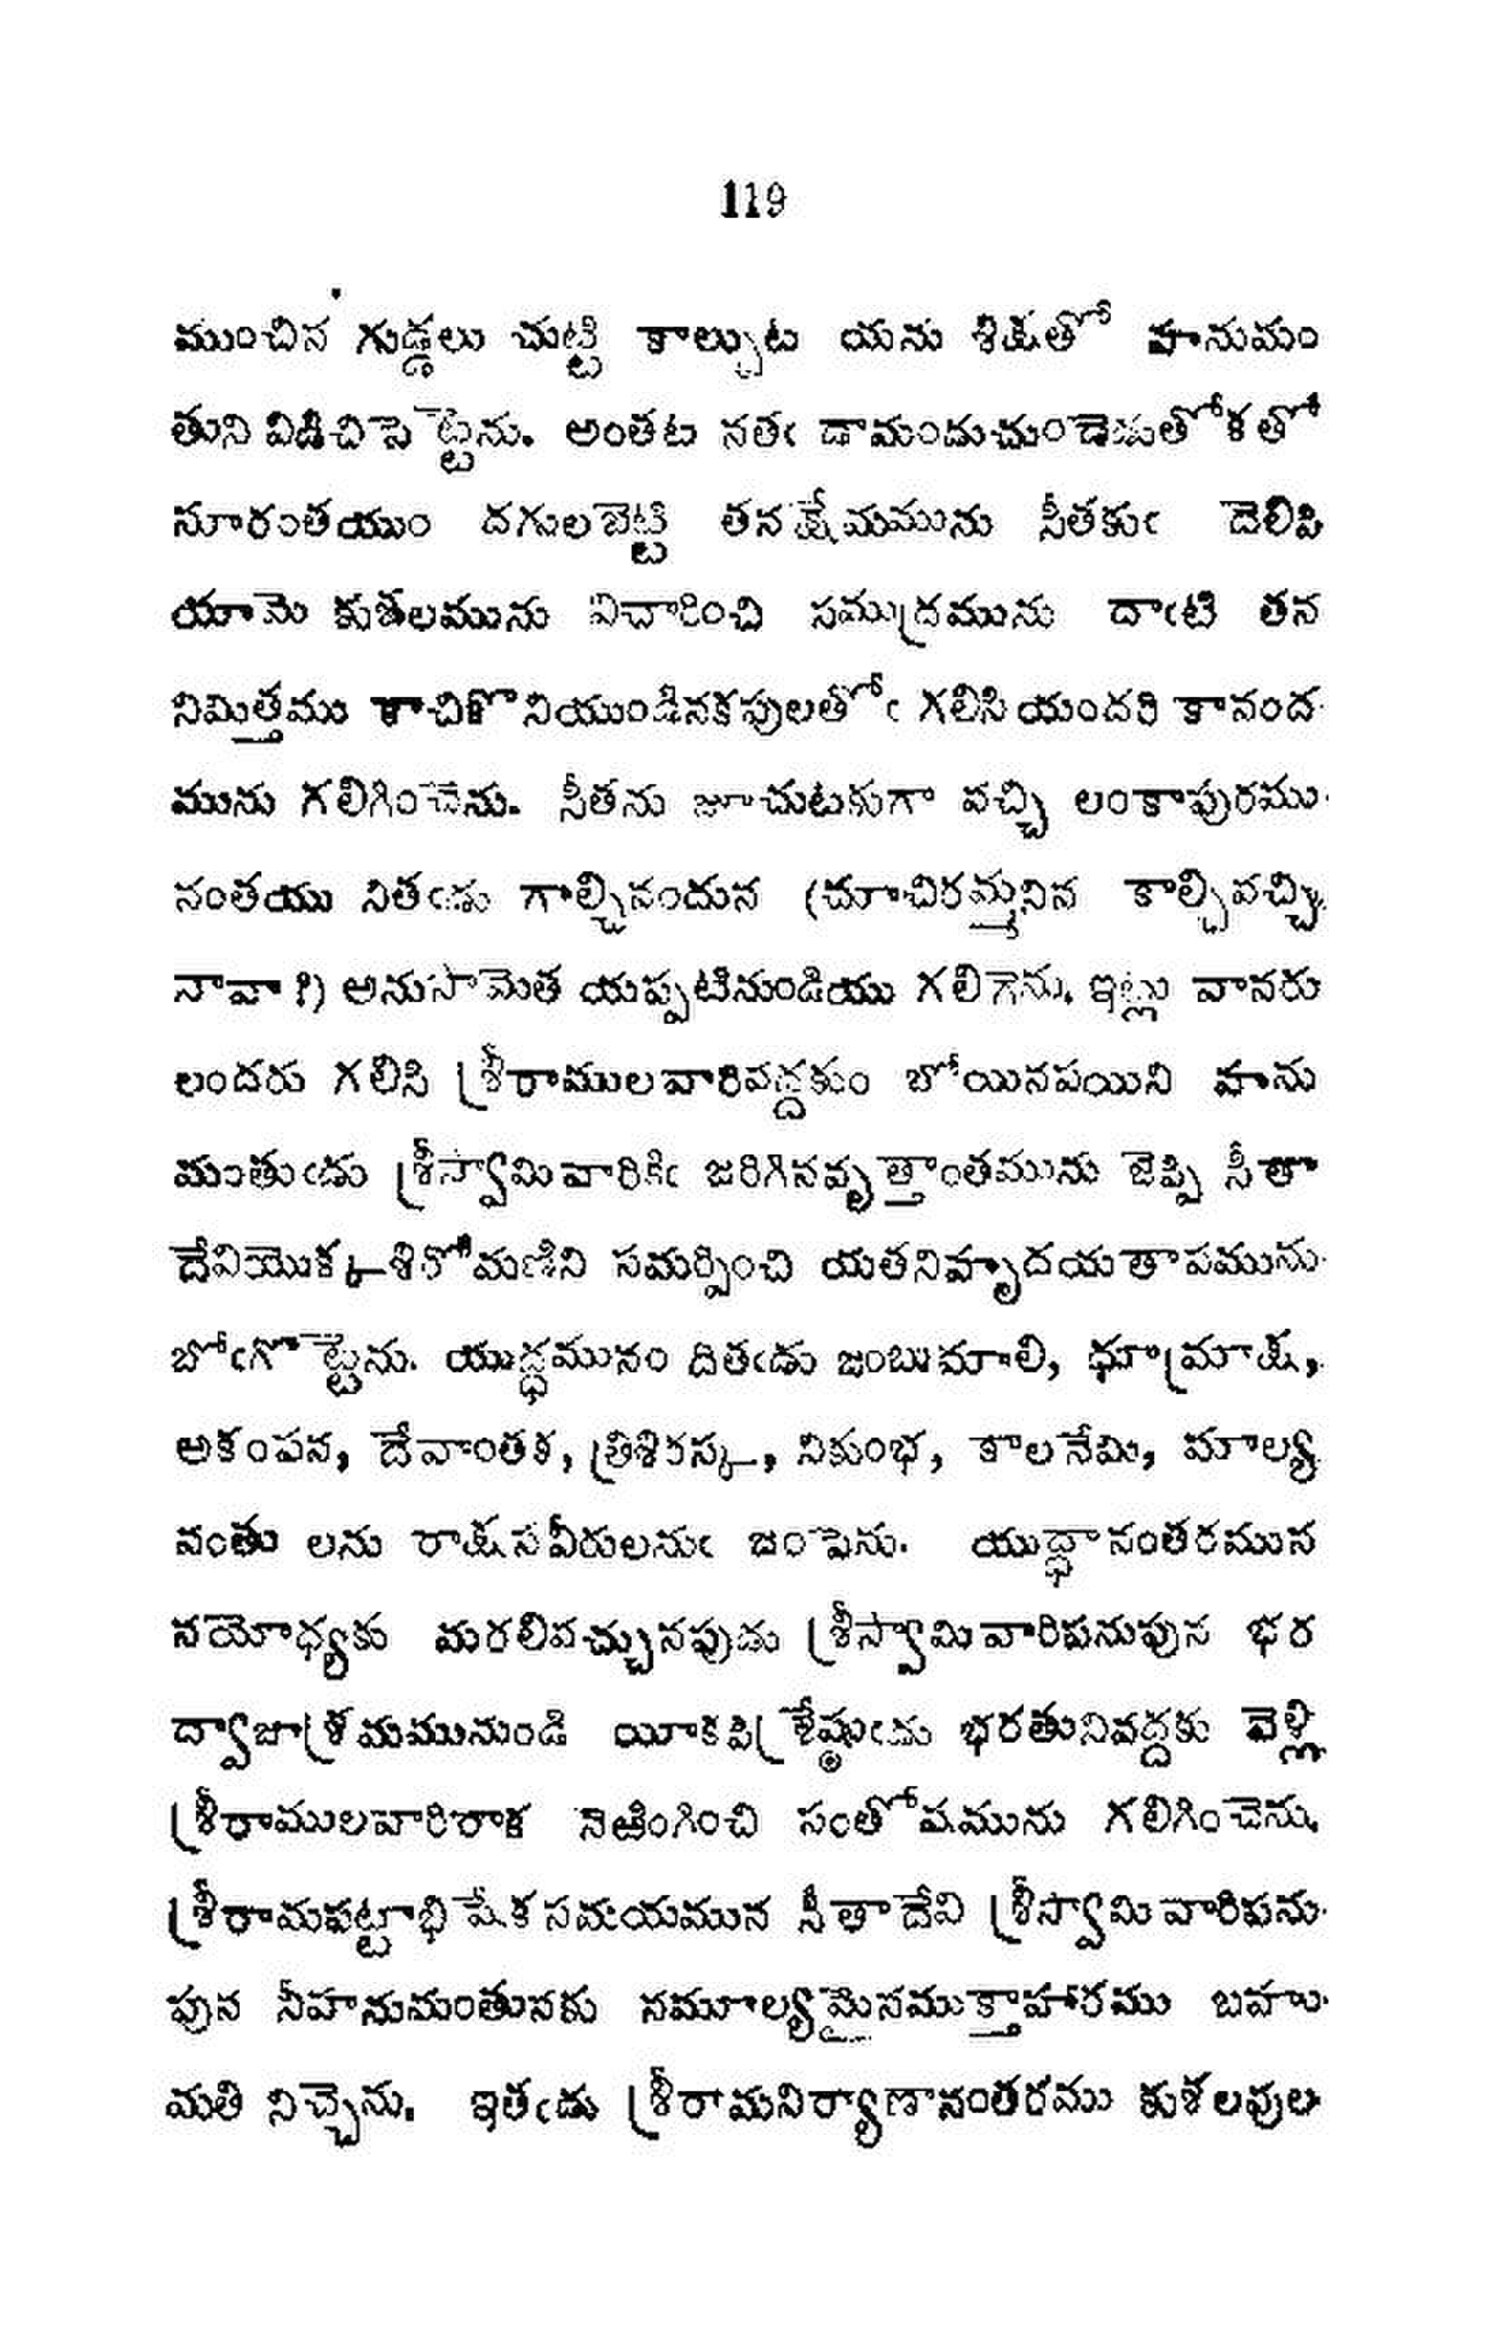ముంచిన గుడ్డలు చుట్టి కాల్చుట యను శిక్షతో హనుమంతుని విడిచిపెట్టను. అంతట నతఁ డామండుచుండెడుతోకతో నూరంతయుం దగులబెట్టి తనక్షేమమును సీతకుఁ దెలిపి యామె కుశలమును విచారించి సముద్రమును దాటి తన నిమిత్తము కాచికొనియుండినకపులతోఁ గలిసి యందరి కానందమును గలిగించెను. సీతను జూచుటకుగా వచ్చి లంకాపురము నంతయు నితఁడు గాల్చినందున (చూచిరమ్మనిన కాల్చివచ్చినావా ?) అనుసామెత యప్పటినుండియు గలిగెను. ఇట్లు వానరు లందరు గలిసి శ్రీరాములవారివద్దకుం బోయినపయిని హనుమంతుఁడు శ్రీస్వామివారికిఁ జరిగినవృత్తాంతమును జెప్పి సీతాదేవియొక్కశిరోమణిని సమర్పించి యతనిహృదయతాపమును
బోఁగొట్టెను. యుద్ధమునం దితఁడు జంబుమాలి, ధూమ్రాక్ష, అకంపన, దేవాంతక , త్రిశిరస్క, నికుంభ, కాలనేమి, మాల్యవంతు లను రాక్షసవీరులనుఁ జంపెను. యుద్ధానంతరమున నయోధ్యకు మరలివచ్చునప్పుడు శ్రీస్వామివారిపనుపున భరద్వాజాశ్రమమునుండి యీకపిశ్రేష్ఠుఁడు భరతునివద్దకు వెళ్లి శ్రీరాములవారిరాక నెఱింగించి సంతోషమును గలిగించెను. శ్రీరామపట్టాభిషేక సమయమున సీతాదేవి శ్రీస్వామివారిపనుపున నీహనుమంతునకు నమూల్యమైనముక్తాహారము బహు.మతి నిచ్చెను. ఇతఁడు శ్రీరామనిర్యాణానంతరము కుశలవుల